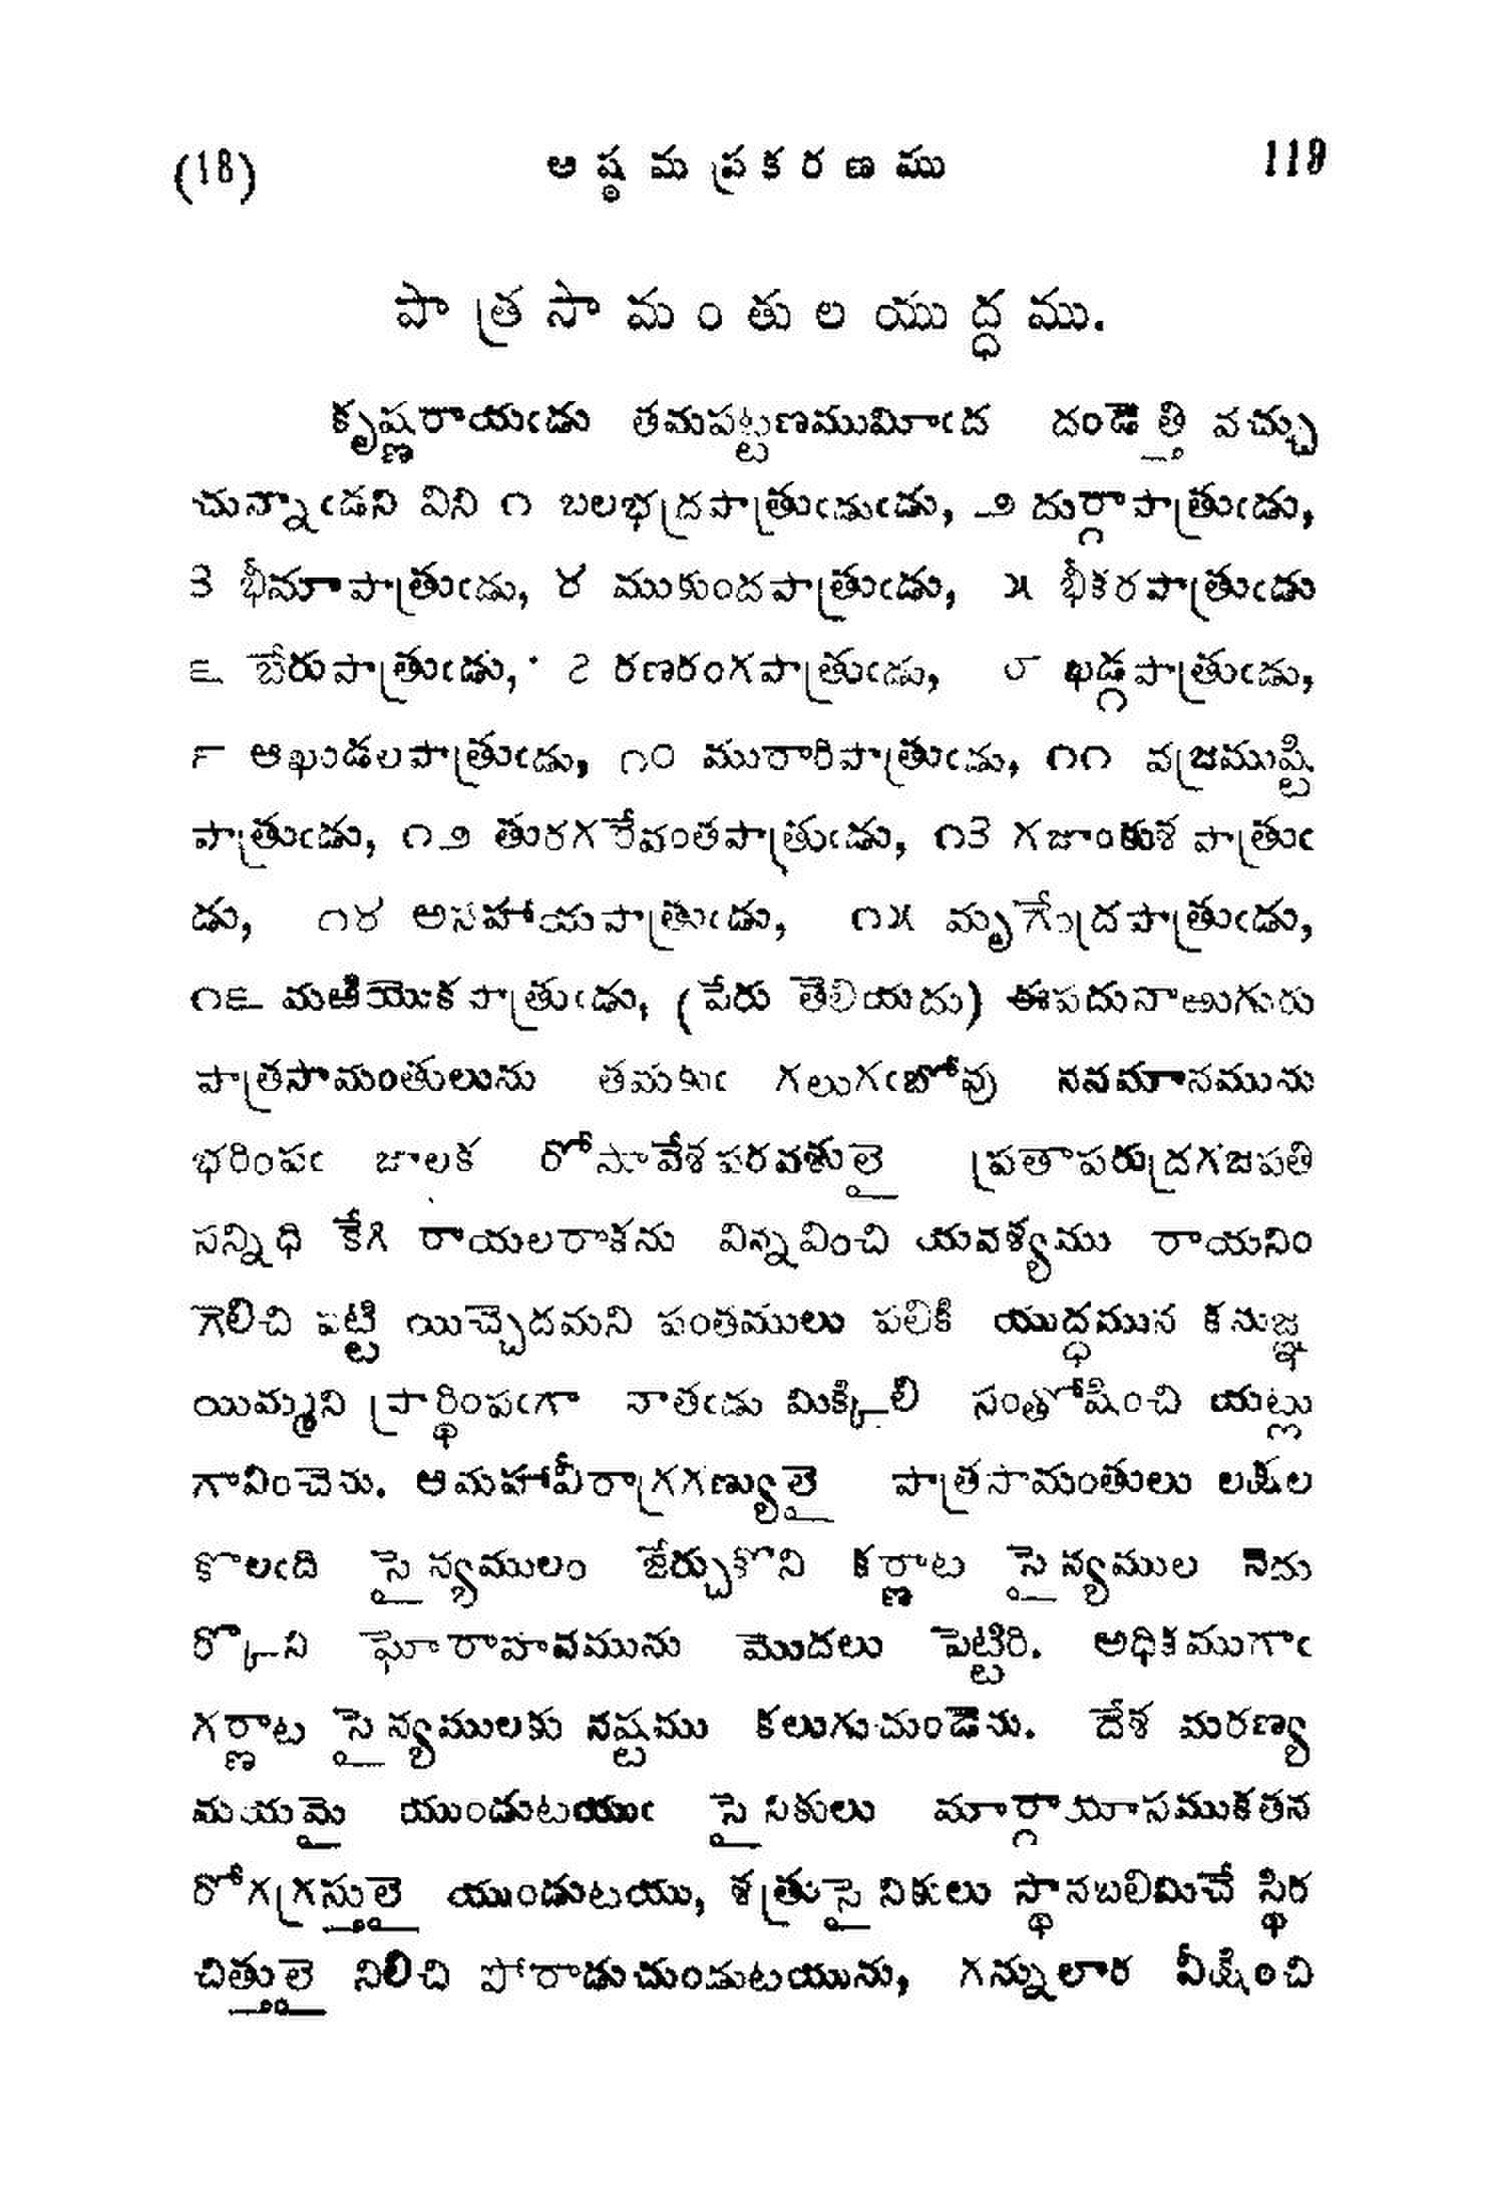పాత్రసామంతుల యుద్దము. 

కృష్ణరాయఁడు తమపట్టణముమీఁద దండెత్తి వచ్చుచున్నాఁడని విని 1 బలభద్రపాత్రుఁడుఁడు, 2 దుర్గాపాత్రుఁడు, 3 భీమాపాత్రుఁడు, 4 ముకుందపాత్రుఁడు, 5 భీకరపాత్రుఁడు 6 బేరుపాత్రుఁడు, 7 రణరంగపాత్రుఁడు, 8 ఖడ్గపాత్రుఁడు, 9 ఆఖండలపాత్రుఁడు, 10 మురారిపాత్రుఁడు, 11 వజ్రముష్టిపాత్రుఁడు, 12 తురగరేవంతపాత్రుఁడు, 13 గజూంకుశ పాత్రుఁడు, 14 అసహాయపాత్రుఁడు, 15 మృగేంద్రపాత్రుఁడు, 16 మఱియొకపాత్రుఁడు, (పేరు తెలియదు) ఈపదునాఱుగురు పాత్రసామంతులును తమకు గలుగఁబోవు నవమానమును భరింపఁ జాలక రోసావేశపరవశులై ప్రతాపరుద్రగజపతి సన్నిధి కేగి రాయలరాకను విన్నవించి యవశ్యము రాయనిం గెలిచి పట్టి యిచ్చెదమని పంతములు పలికి యుద్ధమున కనుజ్ఞ యిమ్మని ప్రార్థింపఁగా నాతఁడు మిక్కిలి సంతోషించి యట్లు గావించెను. ఆ మహావీరాగ్రగణ్యులై పాత్రసామంతులు లక్షలకొలఁది సైన్యములం జేర్చుకొని కర్ణాట సైన్యముల నెదుర్కొని ఘోరాహవమును మొదలు పెట్టిరి. అధికముగా గర్ణాట సైన్యములకు నష్టము కలుగుచుండెను. దేశ మరణ్యమయమై యుండుటయుఁ సైనికులు మార్గాయాసముకతన రోగగ్రస్తులై యుండుటయు, శత్రుసైనికులు స్థానబలిమిచే స్థిరచితులై నిలిచి పోరాడుచుండుటయును, గన్నులార వీక్షించి